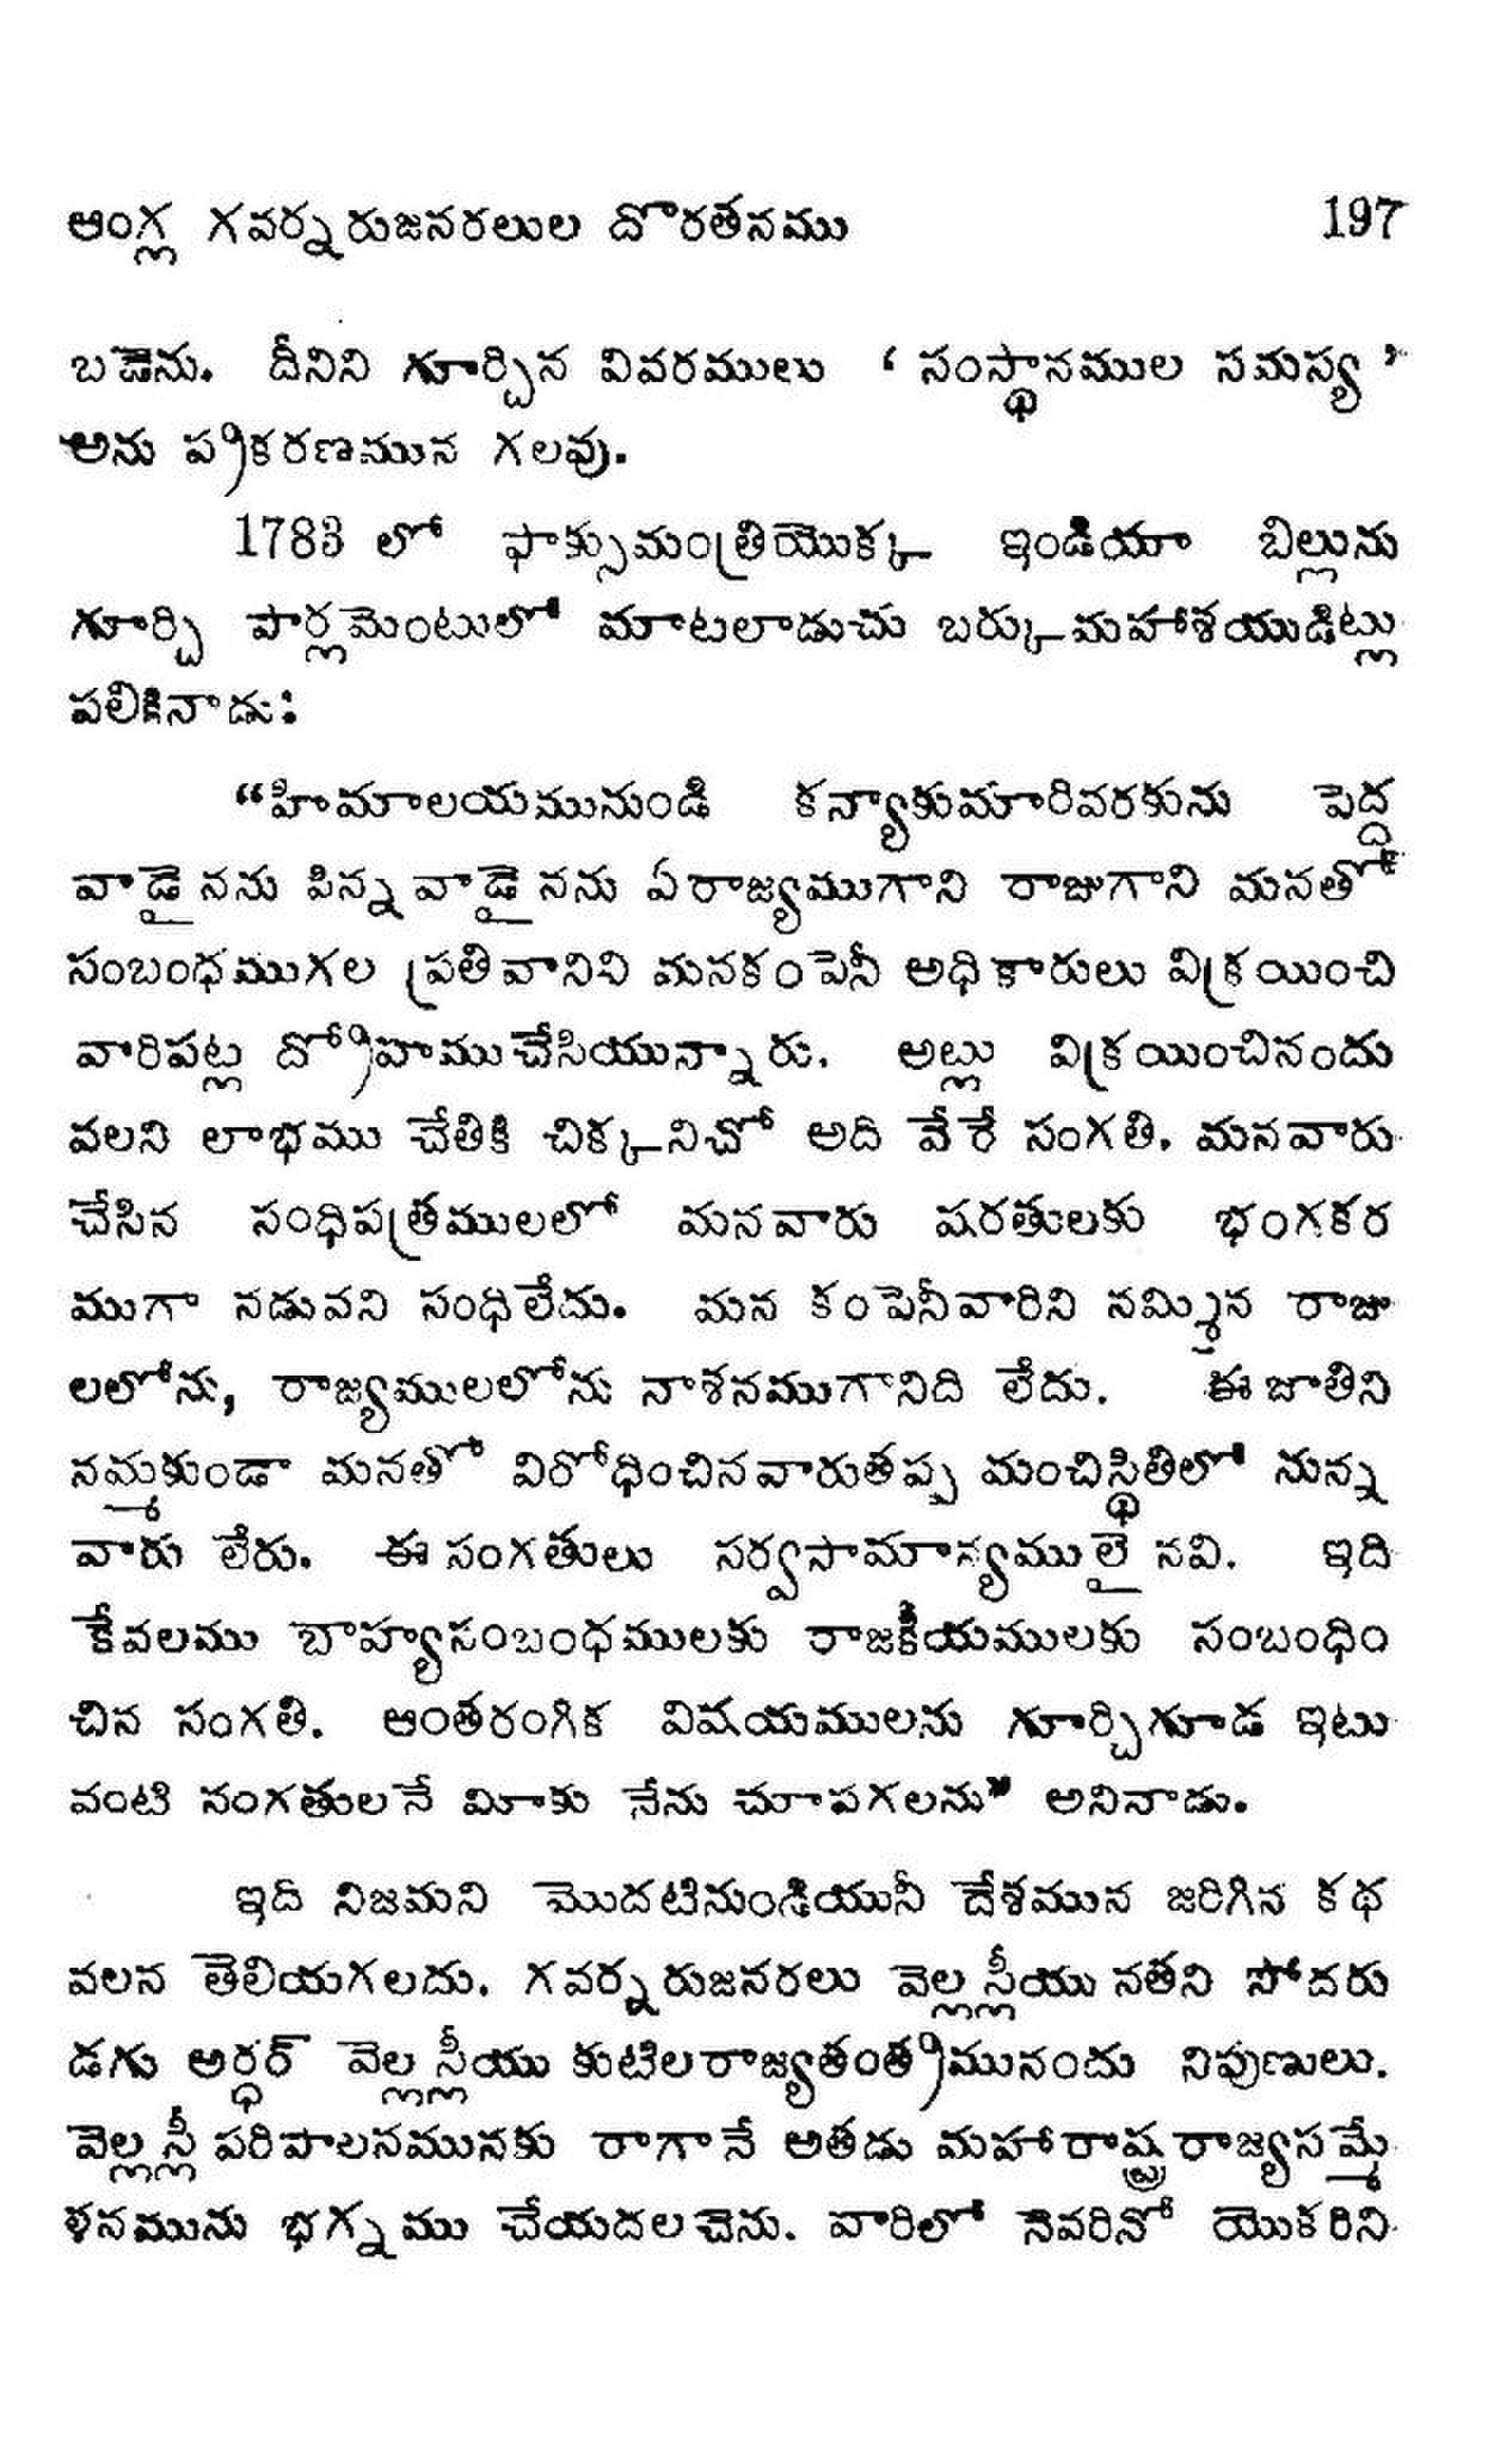బడెను. దీనిని గూర్చిన వివరములు 'సంస్థానముల సమస్య' అను ప్రకరణమున గలవు.

1783 లో ఫాక్సుమంత్రియొక్క ఇండియా బిల్లును గూర్చి పార్లమెంటులో మాటలాడుచు బర్కుమహాశయుడిట్లు పలికినాడు:

"హిమాలయమునుండి కన్యాకుమారివరకును పెద్దవాడైనను పిన్నవాడైనను ఏ రాజ్యముగాని రాజుగాని మనతో సంబంధముగల ప్రతివానిని మనకంపెనీ అధికారులు విక్రయించి వారిపట్ల ద్రోహముచేసియున్నారు. అట్లు విక్రయించినందు వలని లాభము చేతికి చిక్కనిచో అది వేరే సంగతి. మనవారు చేసిన సంధిపత్రములలో మనవారు షరతులకు భంగకరముగా నడువని సంధిలేదు. మన కంపెనీవారిని నమ్మిన రాజులలోను, రాజ్యములలోను నాశనముగానిది లేదు. ఈజాతిని నమ్మకుండా మనతో విరోధించినవారుతప్ప మంచిస్థితిలో నున్నవారు లేరు. ఈసంగతులు సర్వసామాన్యములైనవి. ఇది కేవలము బాహ్యసంబంధములకు రాజకీయములకు సంబంధించిన సంగతి. ఆంతరంగిక విషయములను గూర్చిగూడ ఇటువంటి సంగతులనే మీకు నేను చూపగలను" అనినాడు.

ఇది నిజమని మొదటినుండియునీ దేశమున జరిగిన కథ వలన తెలియగలదు. గవర్నరుజనరలు వెల్లస్లీయు నతని సోదరుడగు అర్దర్ వెల్లస్లీయు కుటిల రాజ్యతంత్రమునందు నిపుణులు. వెల్లస్లీపరిపాలనమునకు రాగానే అతడు మహారాష్ట్ర రాజ్యసమేళనమును భగ్నము చేయదలచెను. వారిలో నెవరినో యొకరిని